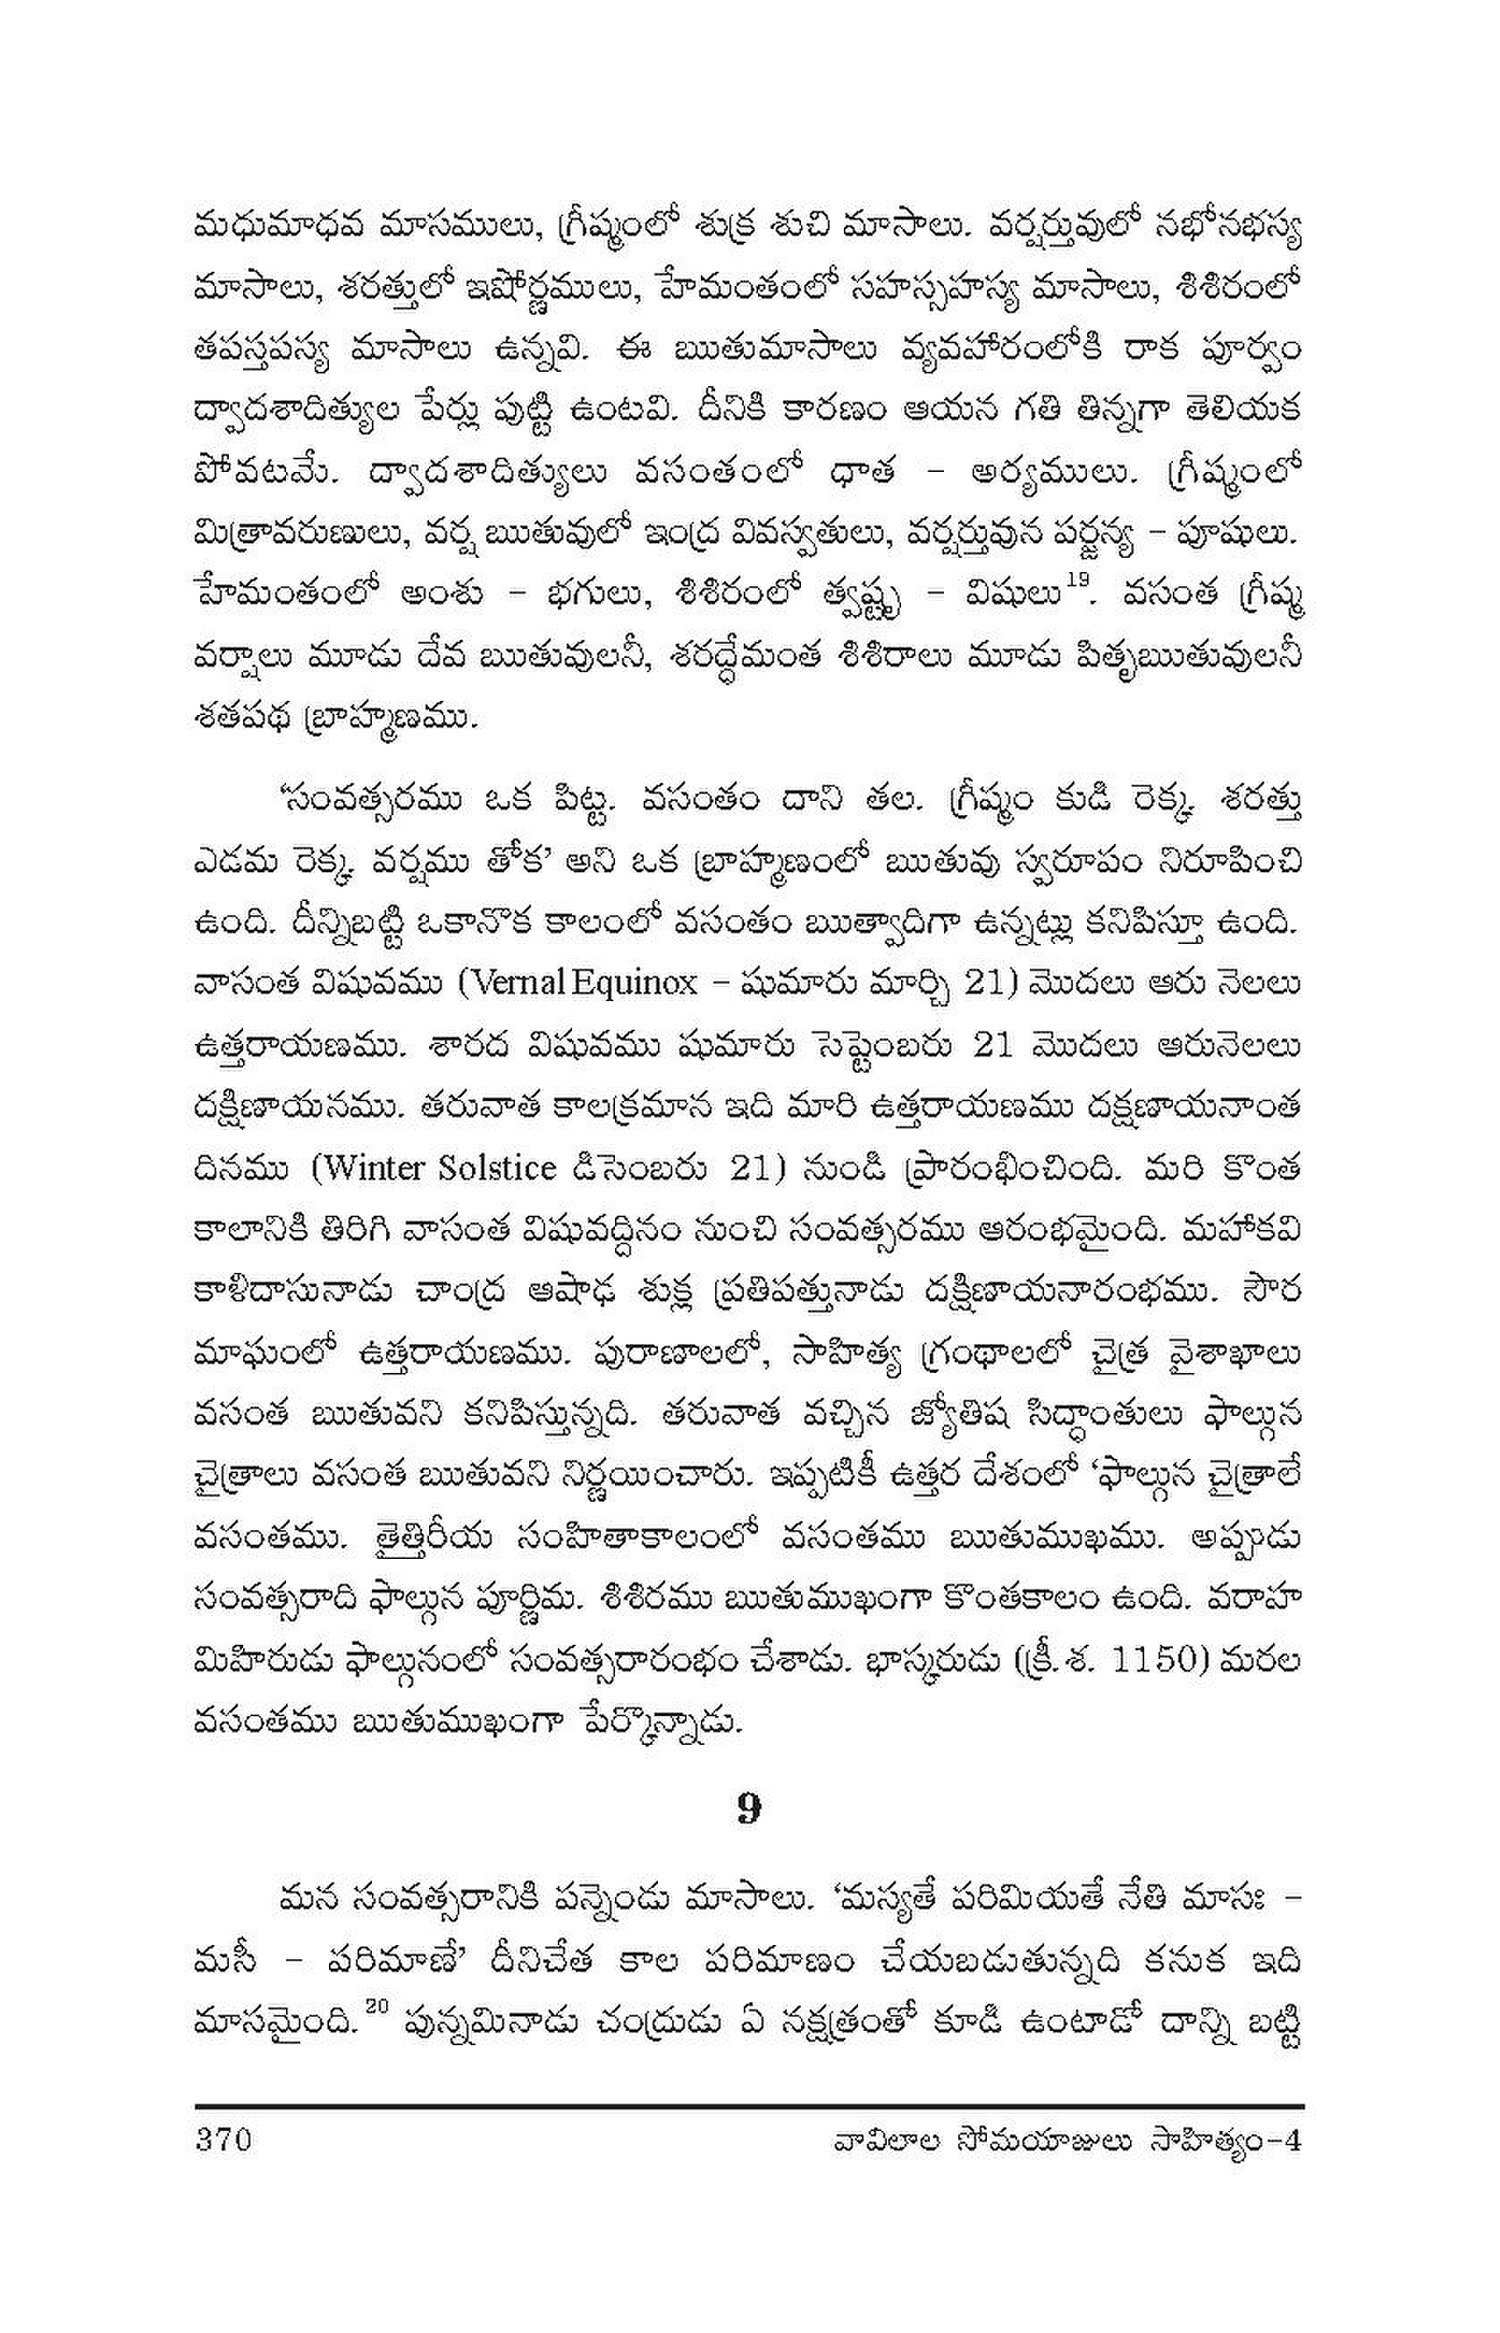మధుమాధవ మాసములు, గ్రీష్మంలో శుక్ర శుచి మాసాలు. వర్షర్తువులో నభోనభస్య
మాసాలు, శరత్తులో ఇషోర్ణములు, హేమంతంలో సహస్సహస్య మాసాలు, శిశిరంలో
తపస్తపస్య మాసాలు ఉన్నవి. ఈ ఋతుమాసాలు వ్యవహారంలోకి రాక పూర్వం
ద్వాదశాదిత్యుల పేర్లు పుట్టి ఉంటవి. దీనికి కారణం ఆయన గతి తిన్నగా తెలియక పోవటమే. ద్వాదశాదిత్యులు వసంతంలో ధాత అర్యములు. గ్రీష్మంలో మిత్రావరుణులు, వర్ష ఋతువులో ఇంద్ర వివస్వతులు, వర్షర్తువున పర్జన్య - పూషులు.హేమంతంలో అంశు భగులు, శిశిరంలో త్వష్టృ - విషులు. వసంత గ్రీష్మ వర్షాలు మూడు దేవ ఋతువులనీ, శరద్ధేమంత శిశిరాలు మూడు పితృఋతువులనీ
శతపథ బ్రాహ్మణము.
-

సంవత్సరము ఒక పిట్ట. వసంతం దాని తల. గ్రీష్మం కుడి రెక్క శరత్తు
ఎడమ రెక్క వర్షము తోక' అని ఒక బ్రాహ్మణంలో ఋతువు స్వరూపం నిరూపించి
ఉంది. దీన్నిబట్టి ఒకానొక కాలంలో వసంతం ఋత్వాదిగా ఉన్నట్లు కనిపిస్తూ ఉంది.
వాసంత విషువము (Vernal Equinox - షుమారు మార్చి 21) మొదలు ఆరు నెలలు
ఉత్తరాయణము. శారద విషువము షుమారు సెప్టెంబరు 21 మొదలు ఆరునెలలు
దక్షిణాయనము. తరువాత కాలక్రమాన ఇది మారి ఉత్తరాయణము దక్షణాయనాంత
దినము (Winter Solstice డిసెంబరు 21) నుండి ప్రారంభించింది. మరి కొంత
కాలానికి తిరిగి వాసంత విషువద్దినం నుంచి సంవత్సరము ఆరంభమైంది. మహాకవి
కాళిదాసునాడు చాంద్ర ఆషాఢ శుక్ల ప్రతిపత్తునాడు దక్షిణాయనారంభము. సౌర
మాఘంలో ఉత్తరాయణము. పురాణాలలో, సాహిత్య గ్రంథాలలో చైత్ర వైశాఖాలు
వసంత ఋతువని కనిపిస్తున్నది. తరువాత వచ్చిన జ్యోతిష సిద్ధాంతులు ఫాల్గున
చైత్రాలు వసంత ఋతువని నిర్ణయించారు. ఇప్పటికీ ఉత్తర దేశంలో 'ఫాల్గున చైత్రాలే
వసంతము. తైత్తిరీయ సంహితాకాలంలో వసంతము ఋతుముఖము. అప్పుడు
సంవత్సరాది ఫాల్గున పూర్ణిమ. శిశిరము ఋతుముఖంగా కొంతకాలం ఉంది. వరాహ
మిహిరుడు ఫాల్గునంలో సంవత్సరారంభం చేశాడు. భాస్కరుడు (క్రీ.శ. 1150) మరల
వసంతము ఋతుముఖంగా పేర్కొన్నాడు.
 
మన సంవత్సరానికి పన్నెండు మాసాలు. 'మస్యతే పరిమియతే నేతి మాసః
మసీ పరిమాణే' దీనిచేత కాల పరిమాణం చేయబడుతున్నది కనుక ఇది
మాసమైంది. పున్నమినాడు చంద్రుడు ఏ నక్షత్రంతో కూడి ఉంటాడో దాన్ని బట్టి